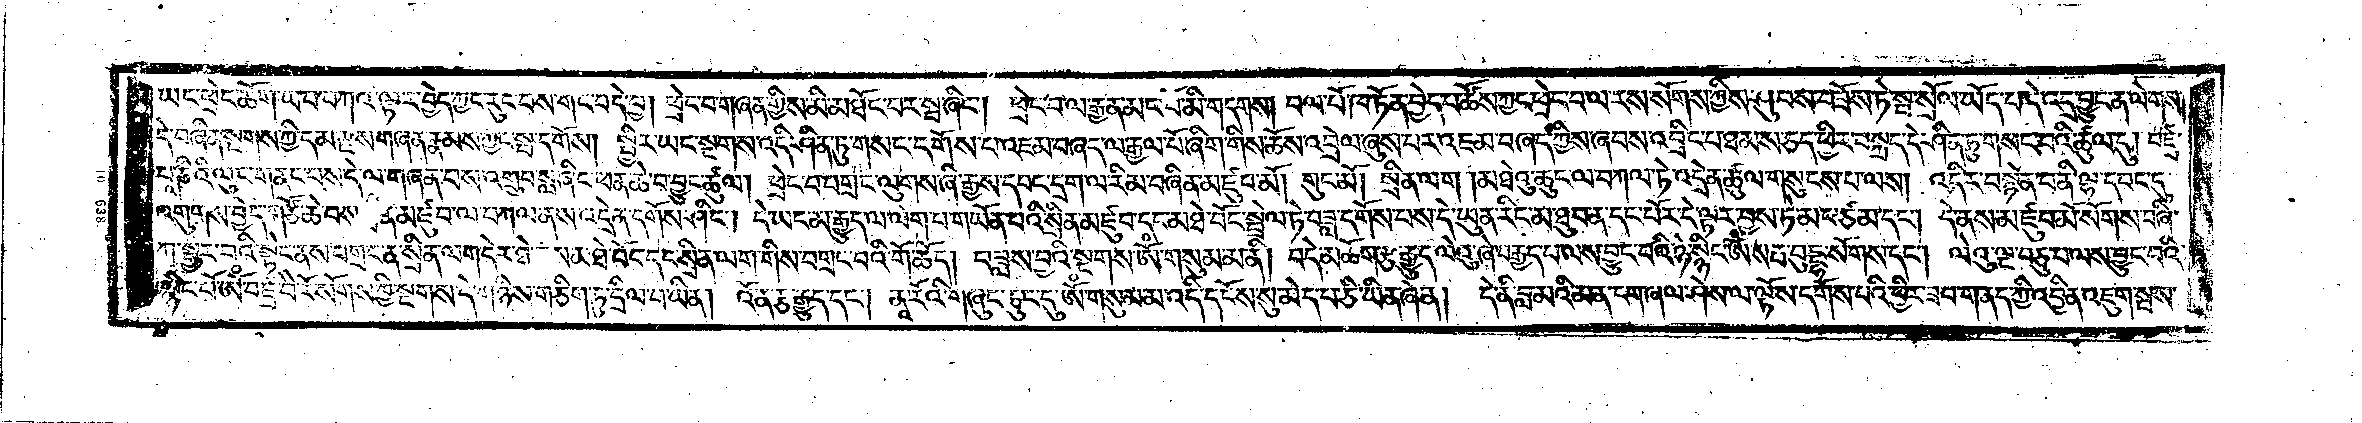ཡང་ཕྲེང་ཆོག་ཡབ་བཀའ་ལྟར་བྱེད་ཀྱང་རུང་བས་གང་བདེ་བྱ། ཕྲེང་བ་གཞན་གྱིས་མི་མཐོང་བར་སྦ་ཞིང་། ཕྲེང་བ་ལ་རྒྱན་མང་པོ་མི་གདགས། བལ་པོ་ཁ་ཏོན་བྱེད་པ་ཚོས་ཀྱང་ཕྲེང་བ་ལ་རས་སོགས་ཀྱིས་ཤུབས་བཟོས་ཏེ་སྦ་སྲོལ་ཡོད་པ་དེ་འདྲ་བྱུང་ན་ལེགས།
དེ་བཞིན་སྔགས་ཀྱི་དམ་རྫས་གཞན་རྣམས་ཀྱང་སྦ་དགོས། སྤྱིར་ཡང་སྔགས་འདི་ཤིན་ཏུ་གསང་དགོས་པ་འཇམ་བཞད་ལ་རྒྱལ་པོ་ཞིག་གིས་ཆོས་འབྲེལ་ཞུས་པར་འཇམ་བཞད་ཀྱིས་ཞབས་འབྲིང་པ་ཐམས་ཅད་ཕྱིར་བསྐྲད་དེ་ཤིན་ཏུ་གསང་བའི་ཚུལ་དུ། བཛྲ་
པཱ་ཎིའི་ལུང་གནང་བས་དེ་ལ་གཞན་པས་འགྲུབ་སླ་ཞིང་ཕན་ཆེ་བ་བྱུང་ཚུལ། ཕྲེང་བ་བགྲང་ལུགས་ཞི་རྒྱས་དབང་དྲག་ལ་རིམ་བཞིན་མཛུབ་མོ། གུང་མོ། སྲིན་ལག །མཐེའུ་ཆུང་ལ་བཀལ་ཏེ་འདྲེན་ཚུལ་གསུངས་བ་ལས། འདིར་བསྙེན་པ་ནི་ལྷ་དབང་དུ་
འགུགས་བྱེད་གཙོ་ཆེ་བས་སྲིན་མཛུབ་ལ་བཀལ་ནས་འདྲེན་དགོས་ཤིང་། དེ་ཡང་མ་རྒྱུད་ལ་ལག་པ་གཡོན་པའི་སྲིན་མཛུབ་དང་མཐེ་བོང་སྦྲེལ་ཏེ་བཟླ་དགོས་པས་དེ་ཡུན་རིང་མ་ཐུབ་ན་དང་པོར་དེ་ལྟར་བྱས་ཏེ་མང་ཙམ་དང་། དེ་ནས་མཛུབ་མོ་སོགས་བཞི་
ཀ་སྦྱར་བའི་སྟེང་ནས་བགྲང་ན་སྲིན་ལག་དེར་ཐེབས་མཐེ་བོང་དང་སྲིན་ལག་གིས་བགྲང་བའི་གོ་ཆོད། བཟླས་བྱའི་སྔགས་ཨོཾ་གསུམ་མ་ནི། བདེ་མཆོག་རྩ་རྒྱུད་ལེའུ་ཞེ་བརྒྱད་པ་ལས་བྱུང་བའི་ཉེ་སྙིང་ཨོཾ་སརྦ་བུདྡྷ་སོགས་དང་། ལེའུ་ལྔ་བཅུ་པ་ལས་བྱུང་བའི་
སྙིང་པོ་ཨོཾ་བཛྲ་བཻ་རོ་སོགས་ཀྱི་སྔགས་དེ་གཉིས་གཅིག་ཏུ་དྲིལ་བ་ཡིན། འོ་ན་རྩ་རྒྱུད་དང་། ནཱ་རོའི་གཞུང་ཆུང་དུ་ཨོཾ་གསུམ་མ་འདི་དངོས་སུ་མེད་པ་ཅི་ཡིན་ཞེ་ན། དེ་ནི་བླ་མའི་མན་ངག་ཞལ་ཤེས་ལ་ལྟོས་དགོས་པའི་ཕྱིར་ཟབ་གནད་ཀྱི་འབྱིན་འཇུག་སྦས་